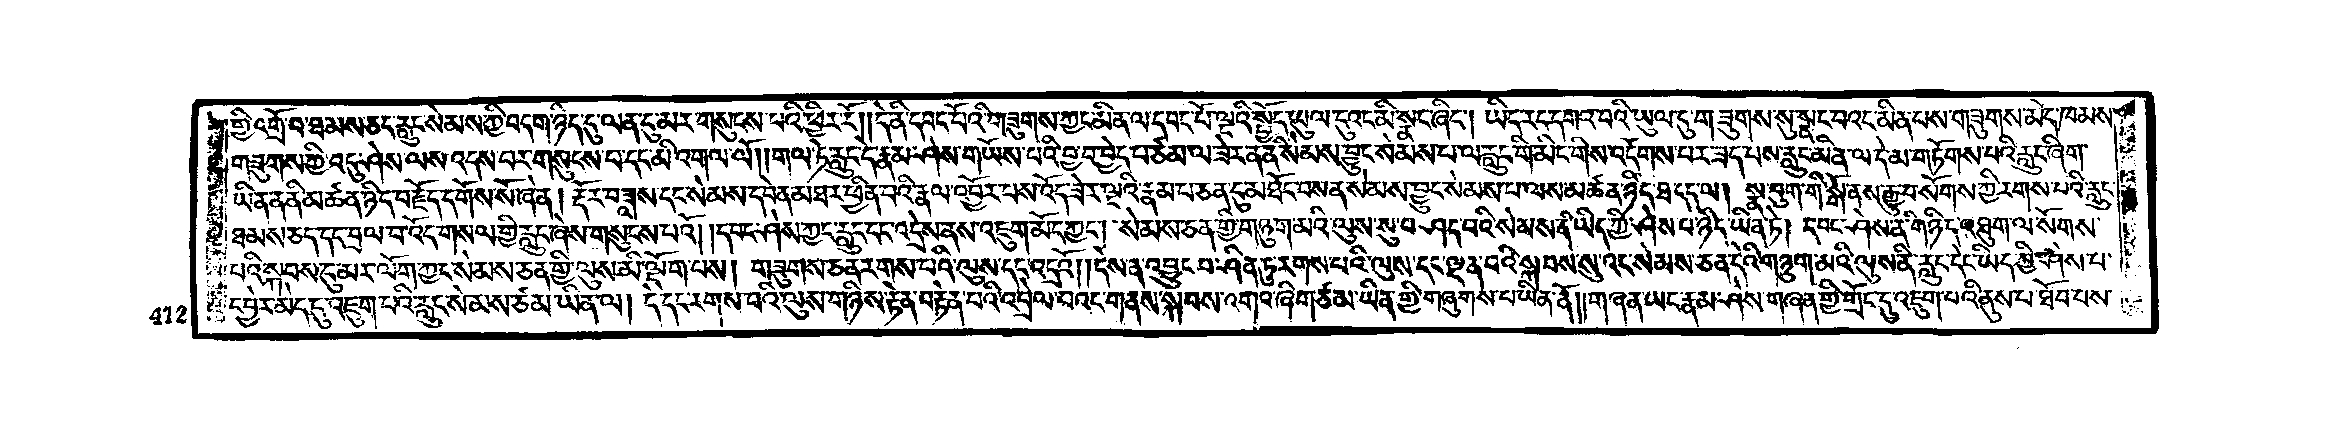གྱི་འགྲོ་བ་ཐམས་ཅད་རླུང་སེམས་ཀྱི་བདག་ཉིད་དུ་ལན་དུ་མར་གསུངས་པའི་ཕྱིར་རོ། །དེ་ནི་དབང་པོའི་གཟུགས་ཀྱང་མིན་ལ་དབང་པོ་ལྔའི་སྤྱོད་ཡུལ་དུའང་མི་སྣང་ཞིང་། ཡིད་རང་དགའ་བའི་ཡུལ་དུ་གཟུགས་སུ་སྣང་བའང་མིན་པས་གཟུགས་མེད་ཁམས་
གཟུགས་ཀྱི་འདུ་ཤེས་ལས་འདས་པར་གསུངས་པ་དང་མི་འགལ་ལོ། །གལ་ཏེ་རླུང་དེ་རྣམ་ཤེས་གཡོས་པའི་བྱ་བ་བྱེད་པ་ཙམ་ལ་ཟེར་ན་ནི་སེམས་བྱུང་སེམས་པ་ལ་རླུང་གི་མིང་གིས་འདོགས་པ་ཟད་པས་རླུང་མིན་ལ་དེ་མ་གཏོགས་པའི་རླུང་ཞིག་
ཡིན་ན་ནི་མཚན་ཉིད་བརྗོད་དགོས་སོ་ཞེ་ན། རྡོར་བཟླས་དང་སེམས་དབེན་མཐར་ཕྱིན་པའི་རྣལ་འབྱོར་པས་འོད་ཟེར་ལྔའི་རྣམ་པ་ཅན་དུ་མཐོང་བས་ན་སེམས་བྱུང་སེམས་པ་ལས་མཚན་ཉིད་ཐ་དད་ལ། སྣ་བུག་གི་སྒོ་ནས་རྒྱུ་བ་སོགས་ཀྱི་རགས་པའི་རླུང་
ཐམས་ཅད་དང་བྲལ་བ་འོད་གསལ་གྱི་རླུང་ཞེས་གསུངས་པའོ། །དབང་ཤེས་ཀྱང་རླུང་དང་འདྲེས་ནས་འཇུག་མོད་ཀྱང་། སེམས་ཅན་གྱི་གཉུག་མའི་ལུས་སུ་བཤད་པའི་སེམས་ནི་ཡིད་ཀྱི་ཤེས་པ་ཉིད་ཡིན་ཏེ། དབང་ཤེས་ནི་གཉིད་འཐུག་ལ་སོགས་
པའི་སྐབས་དུ་མར་ལོག་ཀྱང་སེམས་ཅན་གྱི་ལུས་མི་ལྡོག་པས། གཟུགས་ཅན་རགས་པའི་ལུས་དང་འདྲའོ། །དེས་ན་འབྱུང་བ་ཤིན་ཏུ་རགས་པའི་ལུས་དང་ལྡན་པའི་སྐབས་སུའང་སེམས་ཅན་དེའི་གཉུག་མའི་ལུས་ནི་རླུང་དང་ཡིད་ཀྱི་ཤེས་པ་
དབྱེར་མེད་དུ་འཇུག་པའི་རླུང་སེམས་ཙམ་ཡིན་ལ། དེ་དང་རགས་པའི་ལུས་གཉིས་རྟེན་བརྟེན་པའི་འབྲེལ་པའང་གནས་སྐབས་འགའ་ཞིག་ཙམ་ཡིན་གྱི་གཉུག་མ་པ་མིན་ནོ། །གཞན་ཡང་རྣམ་ཤེས་གཞན་གྱི་གྲོང་དུ་འཇུག་པའི་ནུས་པ་ཐོབ་པས་